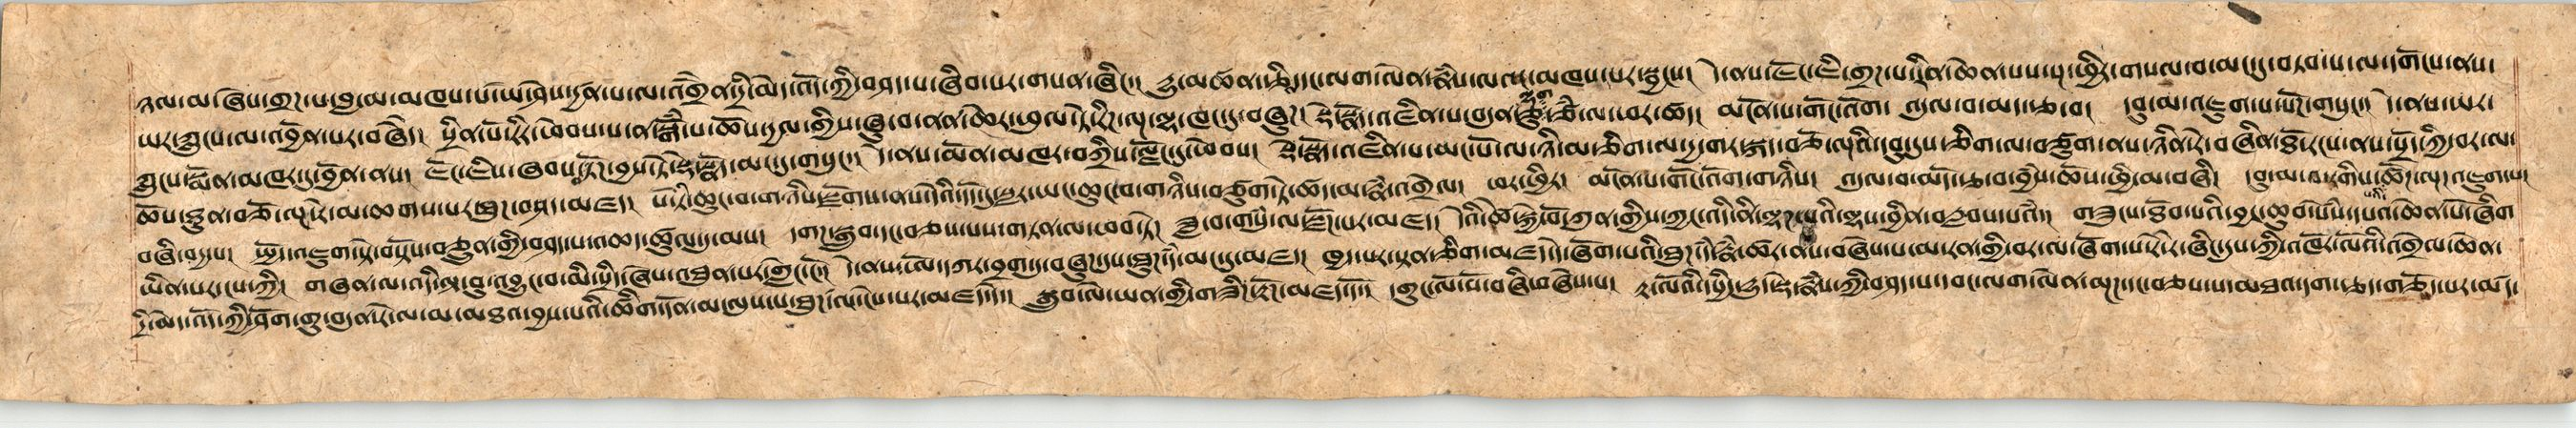ཉལ་མ་ཞེས་གྲཌ་པ་བླ་མ་མཁས་པ་ཡེ་ཤེས་དྱཚན་ལ་འགྲཻན་དྲི་མེད་འོད་ཀྱི་བཤད་པ་ཞིབ་པར་གསན་ཅིང་། དྱུ་མཚན་རྩིས་དང་ལག་ལེན་རྣཾས་ལའང་མཁས་པར་སྦྱངས། དེ་ནས་ཛོང་ཇི་གྲཌ་པ་རིན་ཆེན་པས་སྔ་ཕྱིར་གསལ་བ་མང་དུ་བཏབ་པ་ལ་དགོངས་ནས་
ཡར་ཀླུངས་ལ་འབྱོན་པར་བཞེད། སྲིན་པོ་རིར་ཕེབས་པ་ན་སྒོཾ་པ་ཆོས་དྱལ་གྱིས་ཞུ་བ་ནན་ཆེར་ཕུལ་ཏེ་རིཌ་ལྔ་ལྷ་ཁང་དུ་བཞུཌ། སྡེ་སྣོད་འཛིན་པ་བདུན་ཅུ་ཙཾ་ལ་ཕར་ཚད། མངོན་པ་གོང་འོག་ འདུལ་བ་མད་རྩ་བ། དབུ་མ་འཇུག་པ་སོཌ་གསུང་། དེ་ནས་ཡར་
ཀླུངས་སྨོན་མཁར་དུ་བྱོན་ནས། ཇོང་ཇིང་ཞབས་བཏོཌ་བྱས་ཏེ་སྡེ་སྣོད་མང་དུ་གསུང་། དེ་ནས་མོན་མཁར་བཀྲིས་ལྗོང་དུ་ཕེབས། སྡེ་སྣོད་འཛིན་པ་མང་པོ་ལ་ཉི་མ་ཅིག་ལ་དྱ་གར་སྐད་བཅོ་ལྔའི་དབུ་དུས་ཅིག་ལ་བཙུག་ནས་ཉིན་རེ་བཞིན་ཐོ་རངས་ནས་སྲོད་ཀྱི་བར་ལ་
ཆོས་ཐུན་བཅོ་ལྔ་རེ་མ་ཆགས་པར་ཐུཌ་བཤད་མཛད། པོ་ཏི་ཆུང་བ་གཉིས་སྫོགས་ནས་དེའི་དོད་དུ་སླར་ཡང་ཆུང་བ་གཉིས་བཙུག་ཏེ་ཚད་མ་རྣཾ་འགྲེལ། ཕར་ཕྱིན། མངོན་པ་གོང་འོག་གཉིས། འདུལ་བ་མདོ་རྩ་བྱཾས་ཆོས་ཕྱི་མ་བཞི། དབུ་མ་བ་རིགས་པའི་ཚོཌ་ལྔ།འཇུག་པ།
བཞི་བདྱ་པ། སྤྱོད་འཇུག་སྟེ་བསྟོས་བཅུུན་གྱི་བཤད་པ་འཆད་ཚུལ་དུ་མས། དགཌ་སྒྲུབ་དང་བཅས་པས་གཏན་ལ་ཕབ་སྟེ། ཟླ་བ་གསུཾ་ལ་སྫོཌ་པར་མཛད། དེའི་ཚེ་སྐྱེ་བོ་ཀུན་གྱིས་ཀྱང་འདི་ནི་ལྷཌ་པའི་ལྷས་བྱིན་གྱིས་བརླབས་པའཾ། གཟུངས་ཐོབ་པའི་བྱང་ཚུབ་སེཾས་དཔའ་ཆེན་པོ་ཞིག་
ཡིན་པར་ངས་ཀྱི། གཞན་ལ་འདི་ལྟ་བུ་འབྱུང་བ་མི་སྲིད་ཞེས་འཐུན་པར་གླེང་ངོ་། དེ་ནས་ཨོ་དཀར་བྲག་དུ་བཞུཌ་དུས་ཐུཌ་དཾ་མང་དུ་མཛད། ཁྱད་པར་སྟན་ཅིག་མཛད་དེ་ཞོག་པའི་ཐུཌ་དཾ་རྣཾ་ཚར་ནས་བཞེས་པ་མ་རན་གྱི་བར་ལ་ཞོག་པ་རེ་རེ་ཞིང་དུས་ཀྱི་འཁོར་ལོའི་འགྲེལ་ཆེན་
དྲི་མེད་འོད་ཀྱི་ཤོག་གུ་བདུན་རེ་ལ་མ་མཐའ་བྱས་པའི་ཚིག་དོན་མ་ལུས་པ་ཐུཌ་ལ་ངེས་པར་མཛད་དེ། སྒྲུབ་ལེ་ཡན་གྱི་གཟིཌ་རྟོཌ་མཛད་དོ་། དགུང་ལོ་སོ་བཞི་བཞེས་པ། རྟ་ལོའི་དཔྱིད་དྱུད་སྡེ་རྣཾས་ཀྱི་བཤད་པ་དབང་ལག་ལེན་མྔཌ་དང་བཅས་པ་མཐའ་དག་རྩད་གཅོད་པར་མཛད་